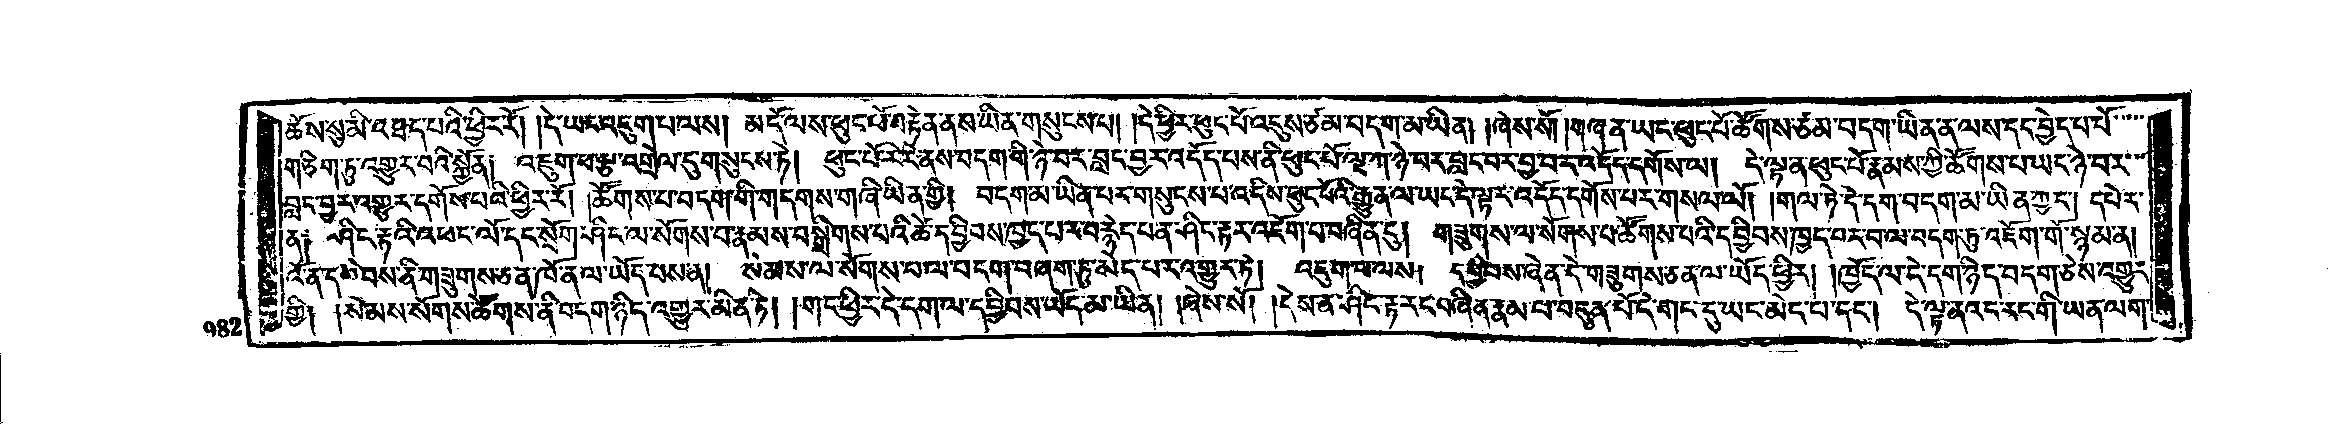ཆོས་སུ་མི་འཐད་པའི་ཕྱིར་རོ། །དེ་ཡང་འཇུག་པ་ལས། མདོ་ལས་ཕུང་པོ་བརྟེན་ནས་ཡིན་གསུངས་པ། །དེ་ཕྱིར་ཕུང་པོ་འདུས་ཙམ་བདག་མ་ཡིན། །ཞེས་སོ། །གཞན་ཡང་ཕུང་པོ་ཚོགས་ཙམ་བདག་ཡིན་ན་ལས་དང་བྱེད་པ་པོ་
གཅིག་ཏུ་འགྱུར་བའི་སྐྱོན། འཇུག་པ་རྩ་འགྲེལ་དུ་གསུངས་ཏེ། ཕུང་པོ་རེ་རེ་ནས་བདག་གི་ཉེ་བར་བླང་བྱར་འདོད་པས་ནི་ཕུང་པོ་ལྔ་ཀ་ཉེ་བར་བླང་བར་བྱ་བར་འདོད་དགོས་ལ། དེ་ལྟ་ན་ཕུང་པོ་རྣམས་ཀྱི་ཚོགས་པ་ཡང་ཉེ་བར་
བླང་བྱར་འགྱུར་དགོས་པའི་ཕྱིར་རོ། །ཚོགས་པ་བདག་གི་གདགས་གཞི་ཡིན་གྱི། བདག་མ་ཡིན་པར་གསུངས་པ་འདིས་ཕུང་པོའི་རྒྱུན་ལ་ཡང་དེ་ལྟར་འདོད་དགོས་པར་གསལ་ལོ། །གལ་ཏེ་དེ་དག་བདག་མ་ཡིན་ཀྱང་། དཔེར་
ན༑ ཤིང་རྟའི་འཕང་ལོ་དང་སྲོག་ཤིང་ལ་སོགས་པ་རྣམས་བསྒྲིགས་པའི་ཚེ་དབྱིབས་ཁྱད་པར་བརྙེད་པ་ན་ཤིང་རྟར་འཇོག་པ་བཞིན་དུ། གཟུགས་ལ་སོགས་པ་ཚོགས་པ་དབྱིབས་ཁྱད་པར་བ་ལ་བདག་ཏུ་འཇོག་གོ་སྙམ་ན།
འོ་ན་དབྱིབས་ནི་གཟུགས་ཅན་ཁོ་ན་ལ་ཡོད་པས་ན། སེམས་ལ་སོགས་པ་ལ་བདག་བཞག་ཏུ་མེད་པར་འགྱུར་ཏེ། འཇུག་པ་ལས། དབྱིབས་ཞེ་ན་དེ་གཟུགས་ཅན་ལ་ཡོད་ཕྱིར། །ཁྱོད་ལ་དེ་དག་ཉིད་བདག་ཅེས་འགྱུར་
གྱི༑ ༑སེམས་སོགས་ཚོགས་ནི་བདག་ཉིད་འགྱུར་མིན་ཏེ། །གང་ཕྱིར་དེ་དག་ལ་དབྱིབས་ཡོད་མ་ཡིན། །ཞེས་སོ། །དེས་ན་ཤིང་རྟ་རང་བཞིན་རྣམ་པ་བདུན་པོ་དེ་གང་དུ་ཡང་མེད་པ་དང་། དེ་ལྟ་ནའང་རང་གི་ཡན་ལག་